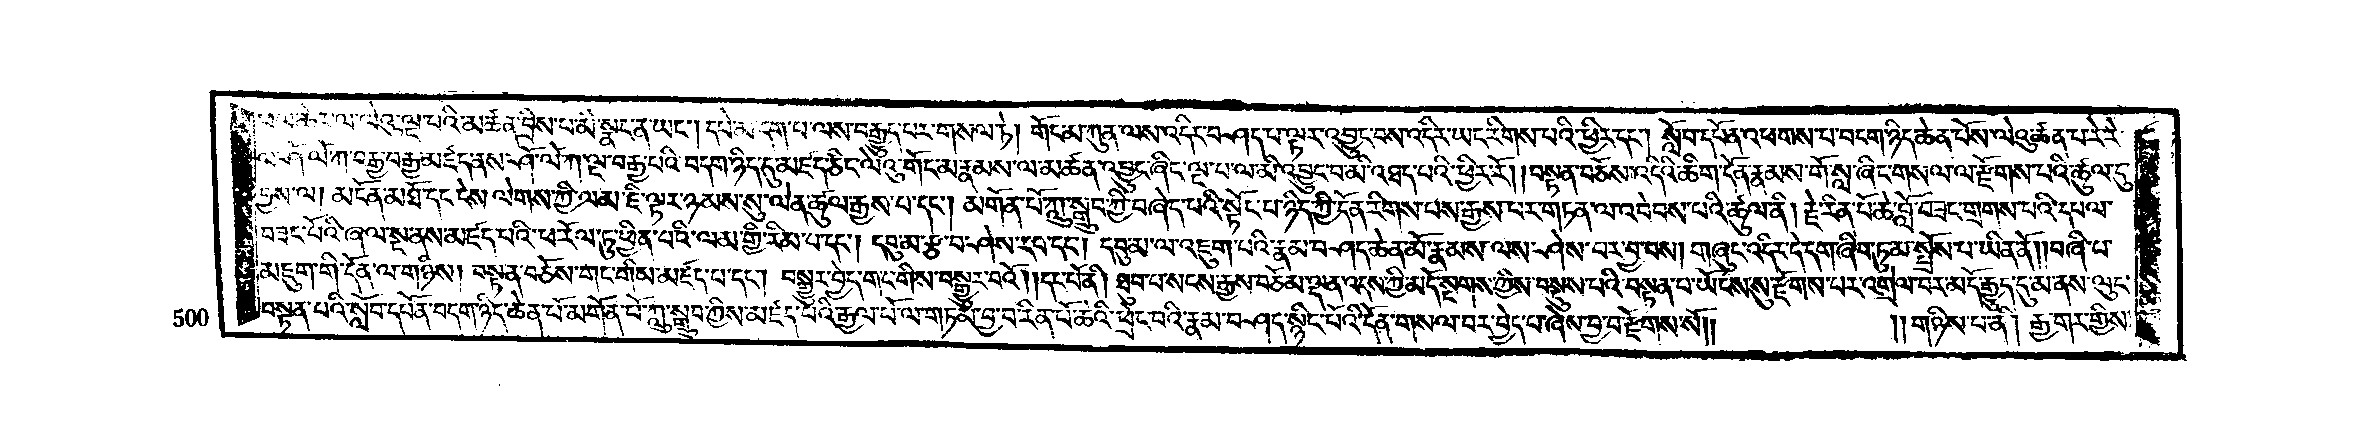ཕལ་ཆེར་ལ་ལེའུ་ལྔ་པའི་མཚན་བྲིས་པ་མི་སྣང་ན་ཡང་། དཔེ་མ་དག་པ་ལས་བརྒྱུད་པར་གསལ་ཏེ། གོང་མ་ཀུན་ལས་འདིར་བཤད་པ་ལྟར་འབྱུང་བས་འདིར་ཡང་རིགས་པའི་ཕྱིར་དང་། སློབ་དཔོན་འཕགས་པ་བདག་ཉིད་ཆེན་པོས་ལེའུ་ཚན་པ་རེ་རེ་
ལ་ཤོ་ལོ་ཀ་བརྒྱ་བརྒྱ་མཛད་ནས་ཤོ་ལོ་ཀ་ལྔ་བརྒྱ་པའི་བདག་ཉིད་དུ་མཛད་ཅིང་ལེའུ་གོང་མ་རྣམས་ལ་མཚན་འབྱུང་ཞིང་ལྔ་པ་ལ་མི་འབྱུང་བ་མི་འཐད་པའི་ཕྱིར་རོ། །བསྟན་བཅོས་འདིའི་ཚིག་དོན་རྣམས་གོ་སླ་ཞིང་གསལ་ལ་རྫོགས་པའི་ཚུལ་དུ་
བྱས་ལ། མངོན་མཐོ་དང་ངེས་ལེགས་ཀྱི་ལམ་ཇི་ལྟར་ཉམས་སུ་ལེན་ཚུལ་རྒྱས་པ་དང་། མགོན་པོ་ཀླུ་སྒྲུབ་ཀྱི་བཞེད་པའི་སྟོང་པ་ཉིད་ཀྱི་དོན་རིགས་པས་རྒྱས་པར་གཏན་ལ་འབེབས་པའི་ཚུལ་ནི། རྗེ་རིན་པོ་ཆེ་བློ་བཟང་གྲགས་པའི་དཔལ་
བཟང་པོའི་ཞལ་སྔ་ནས་མཛད་པའི་ཕ་རོལ་ཏུ་ཕྱིན་པའི་ལམ་གྱི་རིམ་པ་དང་། དབུ་མ་རྩ་བ་ཤེས་རབ་དང་། དབུ་མ་ལ་འཇུག་པའི་རྣམ་བཤད་ཆེན་མོ་རྣམས་ལས་ཤེས་པར་བྱ་བས། གཞུང་འདིར་དེ་དག་ཞིབ་ཏུ་མ་སྤྲོས་པ་ཡིན་ནོ། །བཞི་པ་
མཇུག་གི་དོན་ལ་གཉིས། བསྟན་བཅོས་གང་གིས་མཛད་པ་དང་། བསྒྱུར་བྱེད་གང་གིས་བསྒྱུར་བའོ། །དང་པོ་ནི། ཐུབ་པ་སངས་རྒྱས་བཅོམ་ལྡན་འདས་ཀྱི་མདོ་སྔགས་ཀྱིས་བསྡུས་པའི་བསྟན་པ་ཡོངས་སུ་རྫོགས་པར་འགྲེལ་པར་མདོ་རྒྱུད་དུ་མ་ནས་ལུང་
བསྟན་པའི་སློབ་དཔོན་བདག་ཉིད་ཆེན་པོ་མགོན་པོ་ཀླུ་སྒྲུབ་ཀྱིས་མཛད་པའི་རྒྱལ་པོ་ལ་གཏམ་བྱ་བ་རིན་པོ་ཆེའི་ཕྲེང་བའི་རྣམ་བཤད་སྙིང་པོའི་དོན་གསལ་བར་བྱེད་པ་ཞེས་བྱ་བ་རྫོགས་སོ།། །།གཉིས་པ་ནི། རྒྱ་གར་གྱིས་